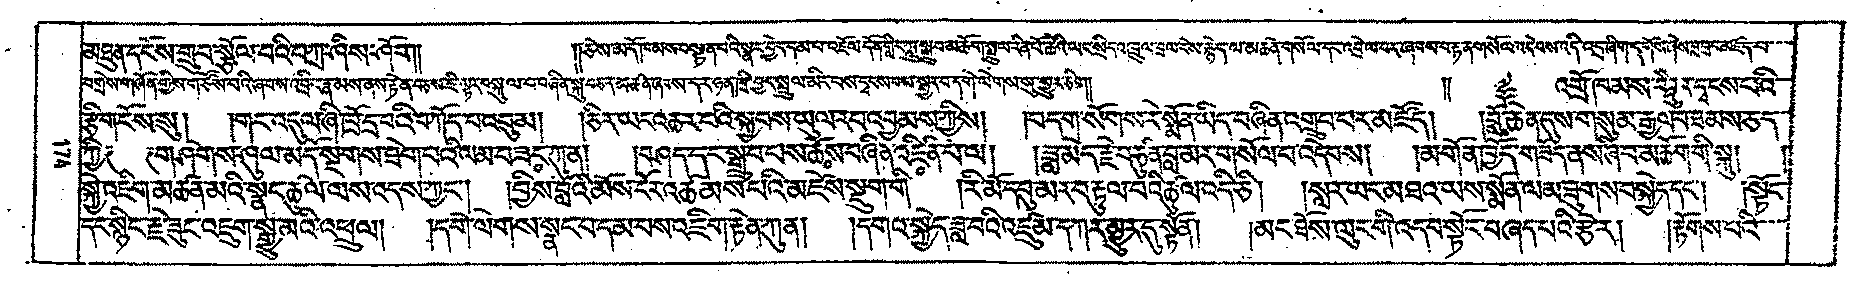མཐུན་དངོས་གྲུབ་སྩོལ་བའི་བཀྲ་ཤིས་ཤོག ། །།ཅེས་མདོ་ཁམས་བསྟན་པའི་སྣང་བྱེད་དམ་པ་འཇོལ་དོན་གླིང་ཀླུ་སྒྲུབ་མཆོག་སྤྲུལ་རིན་པོ་ཆེའི་ཡང་སྲིད་འཁྲུལ་བྲལ་ངེས་རྙེད་ལ་མཚན་གསོལ་དང་འབྲེལ་བར་ཞབས་བརྟན་གསོལ་འདེབས་འདི་འདྲ་ཞིག་དགོས་ཞེས་བླ་བྲང་མཛད་པ་
བགྲེས་གཞོན་གྱིས་གཙོས་པའི་ཞབས་འབྲིང་རྣམས་ནས་རྟེན་བཅས་ཇི་ལྟར་བསྐུལ་བ་བཞིན་སྐུ་བཅར་མཚན་ཞབས་དར་ཉན་ཁྲི་བྱང་སྤྲུལ་མིང་པས་དྭངས་བས་སྦྱར་བ་དགེ་ལེགས་སུ་གྱུར་ཅིག། །། ༈ འགྲོ་ཁམས་བཻཌཱུར་དྭངས་པའི་
རྩིག་ངོས་སུ། །གང་འདུལ་ཞི་ཁྲོ་དྲ་བའི་བཀོད་པ་འབུམ། །ཅིར་ཡང་འཆར་བའི་སྐྱབས་ཡུལ་རབ་འབྱམས་ཀྱིས། །བདག་སོགས་རེ་སྨོན་ཡིད་བཞིན་འགྲུབ་པར་མཛོད། །བློ྾་ཆེན་དུས་གསུམ་རྒྱལ་བ་ཐམས་ཅད་
ཀྱི༑ ༑གཤེགས་ཤུལ་མདོ་སྔགས་ཐེག་པའི་ལམ་བཟང྾་ཀུན། །བཤད་དང་སྒྲུབ་པས་ཆོས྾་བཞིན་འཛིན྾་པ་ལ། །ཟླ་མེད་རྗེ་བཙུན་བླ་མར་གསོལ་བ་འདེབས། །མགོན་ཁྱོད་གཟོད་ནས་ཞི་བ་མཆོག་གི་སྐུ། །
སྐྱེ་འཇིག་མཚན་མའི་སྣང་ཚུལ་ལས་འདས་ཀྱང་། །བྱིས་བློའི་མོས་ངོར་འཚམས་པའི་མཛེས་སྡུག་གི །རི་མོ་དབུ་མར་བརྟུལ་བའི་ཚུལ་འདི་ཅི། །སླར་ཡང་མཐའ་ཡས་སྨོན་ལམ་ཐུགས་བསྐྱེད་དང་། །སྟོང་
དང་སྙིང་རྗེ་ཟུང་འཇུག་སྒྱུ་མའི་འཕྲུལ། །དགེ་ལེགས་སྣང་བ་དམ་པས་འཇིག་རྟེན་ཀུན། །དགའ་སྐྱེད་ཟླ་བའི་འཛུམ་དཀར་མྱུར་དུ་སྟོན། །མང་ཐོས་ལུང་གི་འདབ་སྟོང་བཞད་པའི་རྩེར། །རྟོགས་པའ་